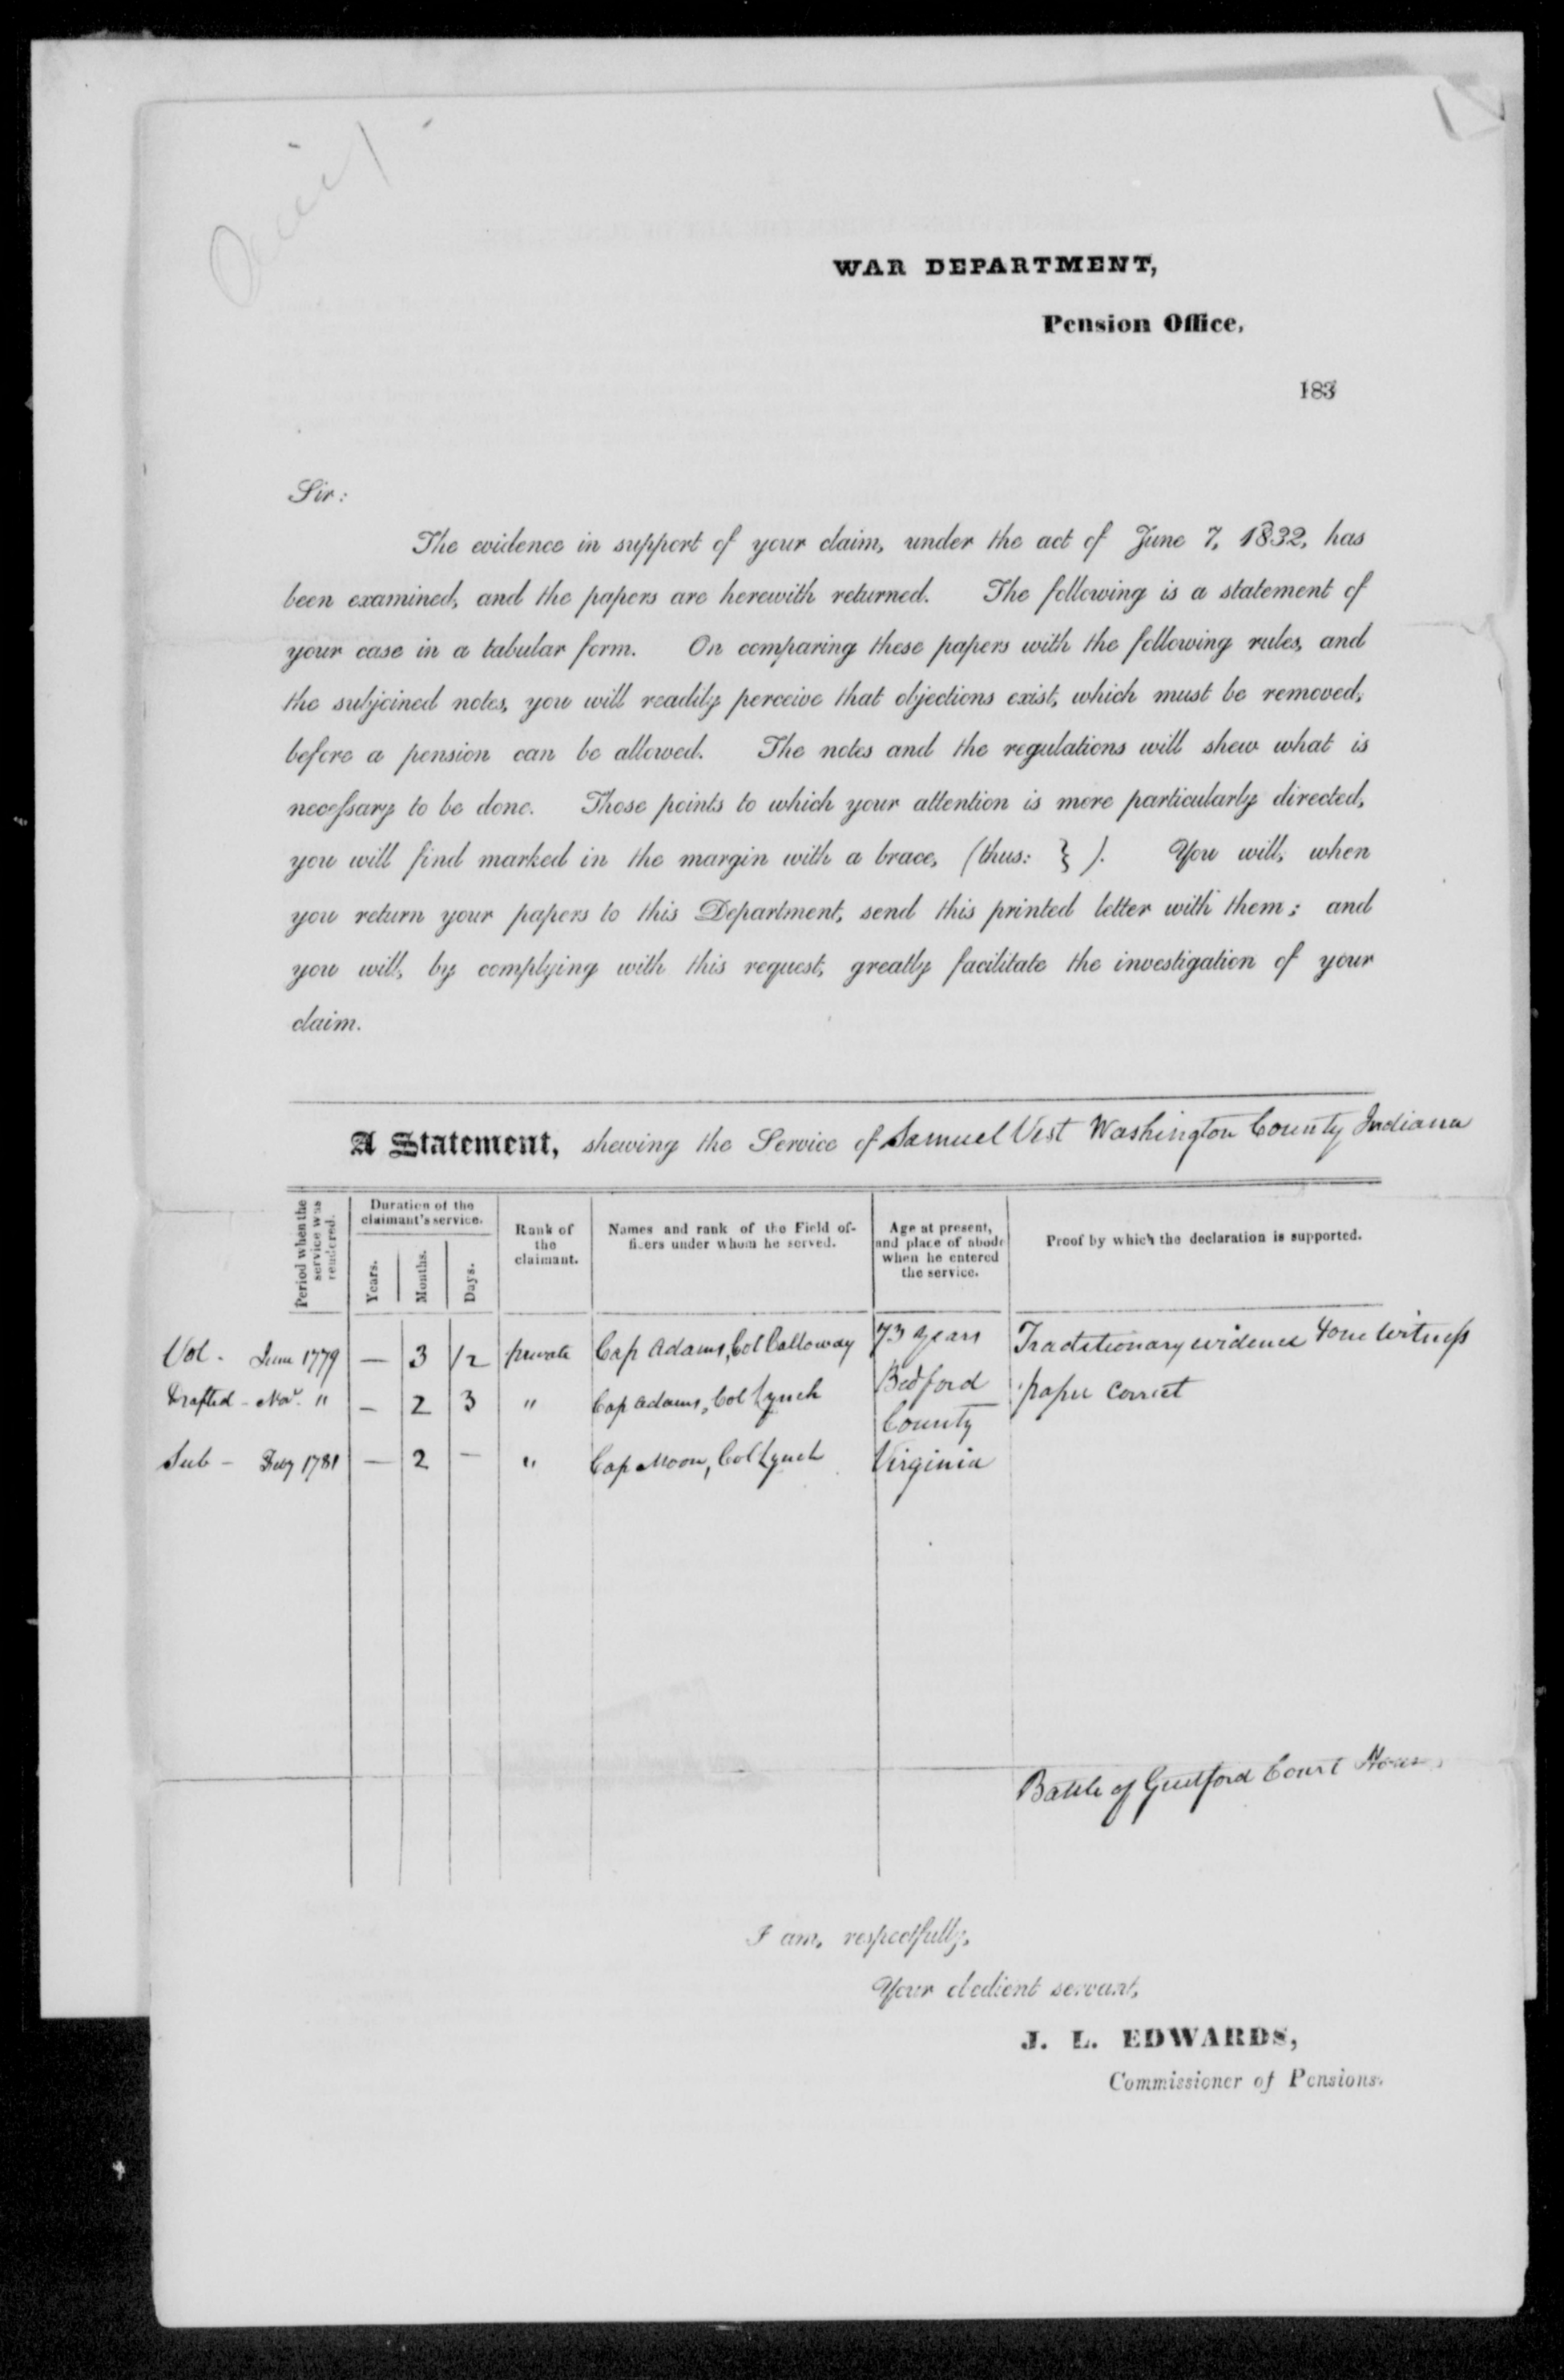[typed form, with handwritten responses]

WAR DEPARTMENT
PENSION OFFICE
Sir:
The evidence in support of your claim, under the act of June 7, 1832, has been examined, and the papers are herewith returned. The following is a statement of your case in a tabular form. On comparing these papers with the following rules and the subjoined notes you will readily perceive that objections exist, which must be removed, before a pension can be allowed. The notes and the regulations will show what is necessary to be done these points to which your attention is more particularly directed, you will find marked in the margin with a brace, (these:}). You will, when you return your papers to this Department, send this printed letter with them; and you will, by complying with this request, greatly facilitate the investigation of your claim.

A STATEMENT, showing the Service of Samuel Vest Washington County Indiana

[column headings] Period when the service was rendered.
[1] Vol. June 1779 
[2] Drafted - Nov. " 
[3] Sub - Feby 1781
Duration of the claimant’s service. Years. Months. Days.
[1] 3 [Months], 12 [Days] 
[2] 2 [Months], 3 [Days] 
[3] 2 [Months]
Rank of the claimant.
[1] private
[2] "
[3] "
Names and rank of the Field officers under whom he served.
[1] Cap Adams, Col Calloway
[2] Cap Adams, Col Lynch
[3] Cap Moon, Col Lynch
Age at present, and place of abode when he entered the service. 
73 years Bedford County Virginia
Proof by which the declaration is supported. Traditionary evidence & one witness paper correct
Battle of Guilford Court House

I am, respectfully,
Your obedient servant,
JAMES L. EDWARDS,
Commissioner of Pensions.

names: Lynch, Adams, Calloway, J L Edwards, Moon, Adams, Samuel Vest, Lynch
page: 9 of 15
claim: survivor's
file: S. 16,563, Samuel Vest, Va.